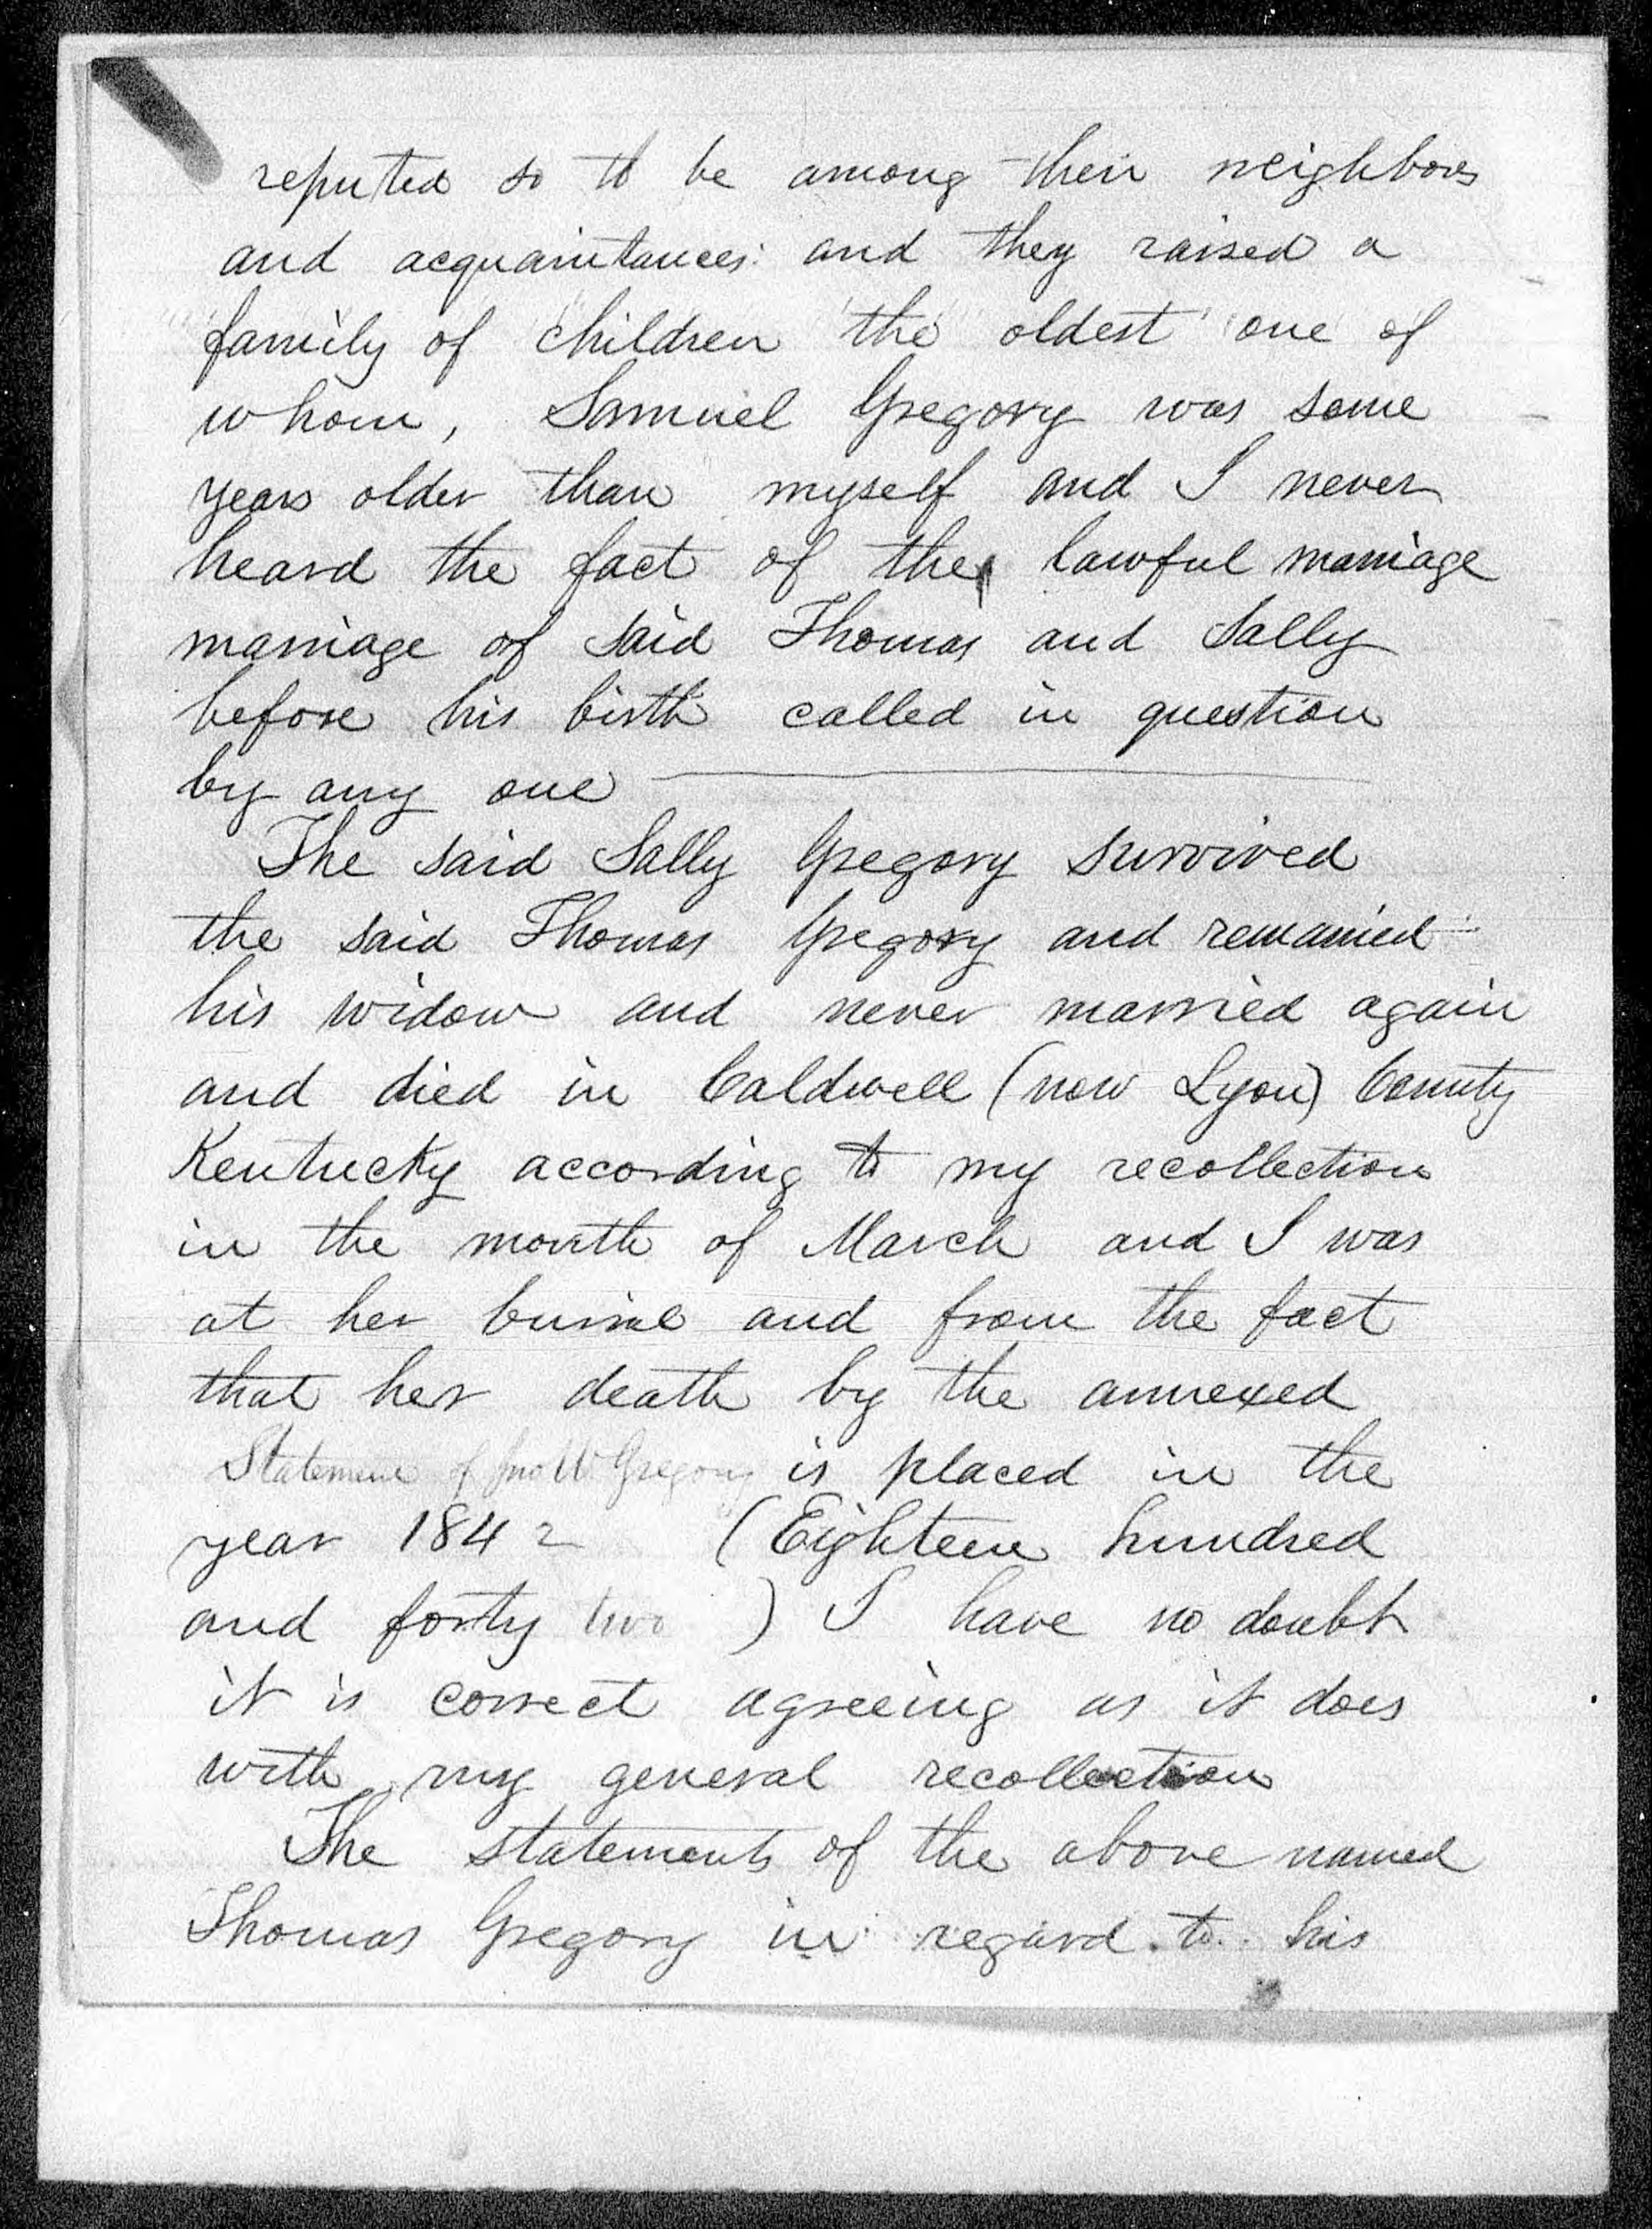reputed so to be among their neighbors and acquaintances and they raised a family of children the oldest one of whom, Samuel Gregory was some years older than myself and I never heard the fact of the lawful marriage marriage [sic] of said Thomas and Sally before his birth called in question by any one.
The said Sally Gregory survived the said Thomas Gregory and remained his widow and never married again and died in Caldwell (now Lyon) County Kentucky according to my recollection in the month of March and I was at her burial and from the fact that her death by the annexed Statement of Jno. W. Gregory is placed in the year 1842 (Eighteen hundred and forty two) I have no doubt it is correct agreeing as it does with my general recollection.
The statements of the above named Thomas Gregory in regard to his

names: Samuel Gregory, Thomas Gregory, Thomas, Sally, Thomas Gregory, Sally Gregory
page: 62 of 75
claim: widow's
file: W. 8876, Thomas Gregory, Continental Va